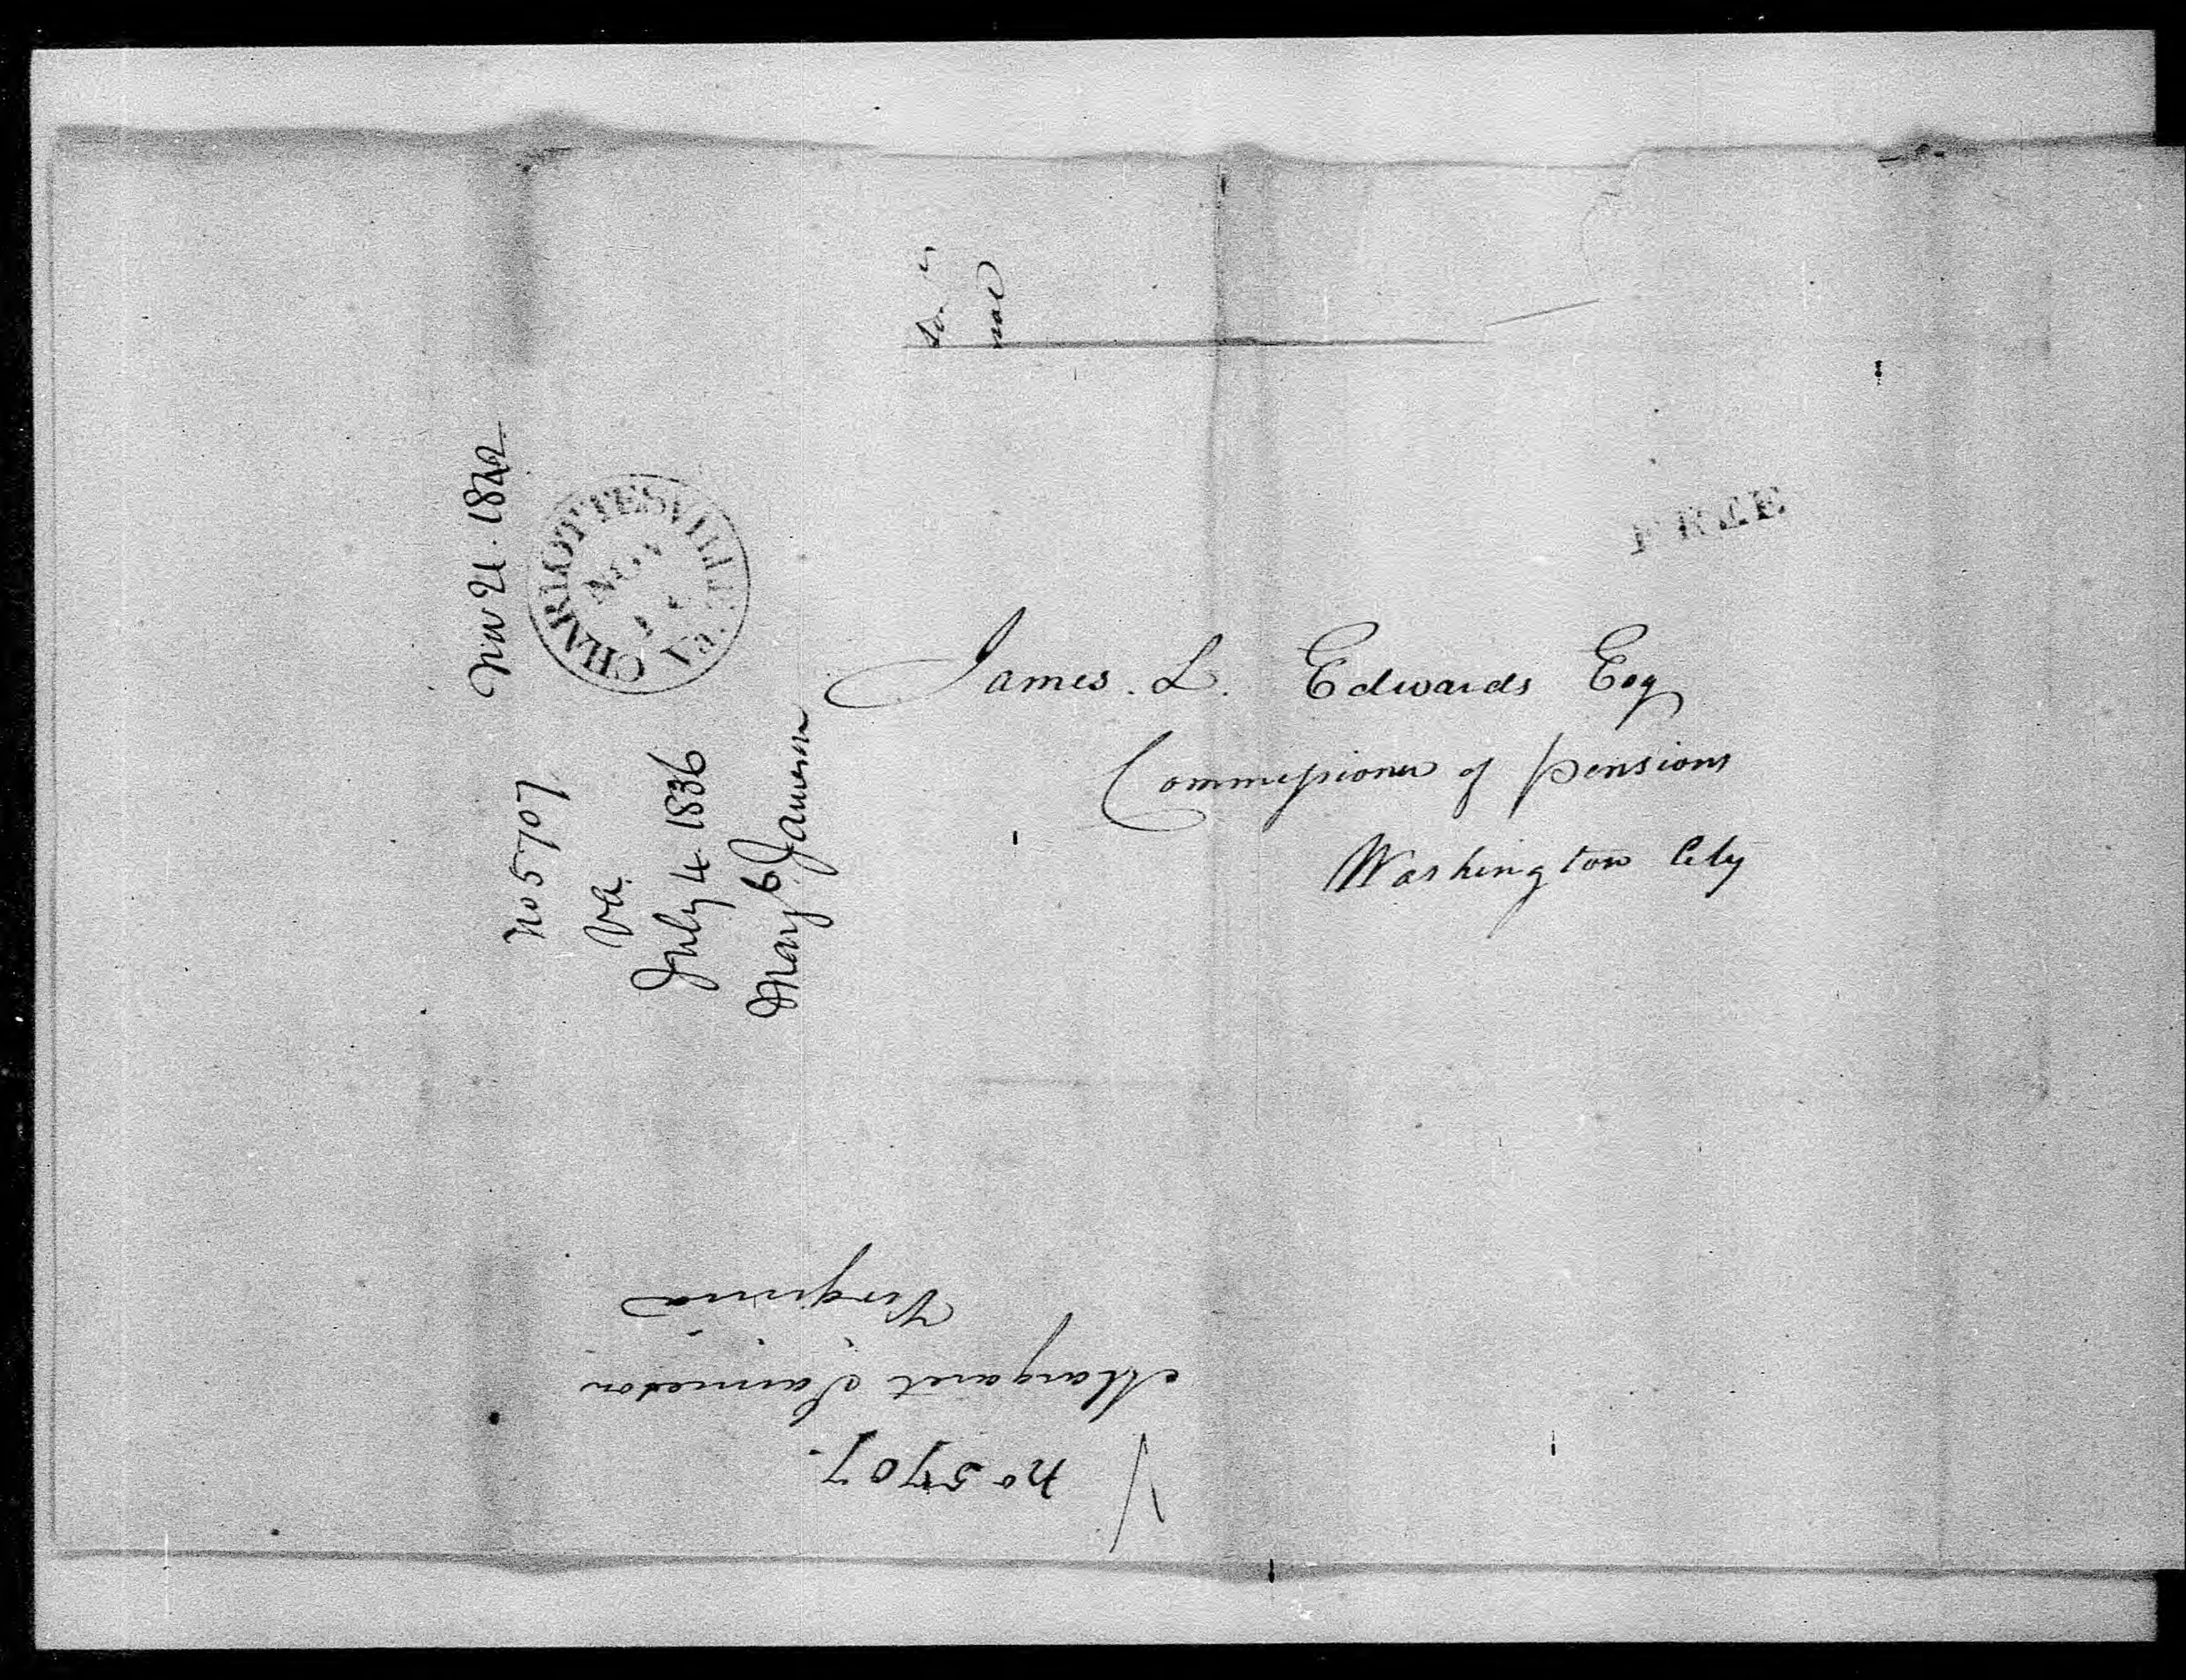[On the left side of the page, perpendicular to the page.]
Nov. 21, 1842
No 5707
July 4, 1836
Marg't Jameson 
[Round ink stamp from Charlottesville, Va.]


FREE
James L. Edwards Esq
Commissioner of pensions
Washington City

[At the bottom of the page, upside down.]
V No 5707
Margaret Jamieson
Virginia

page: 11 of 28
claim: widow's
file: W. 5112, for Samuel Jamieson, Virginia